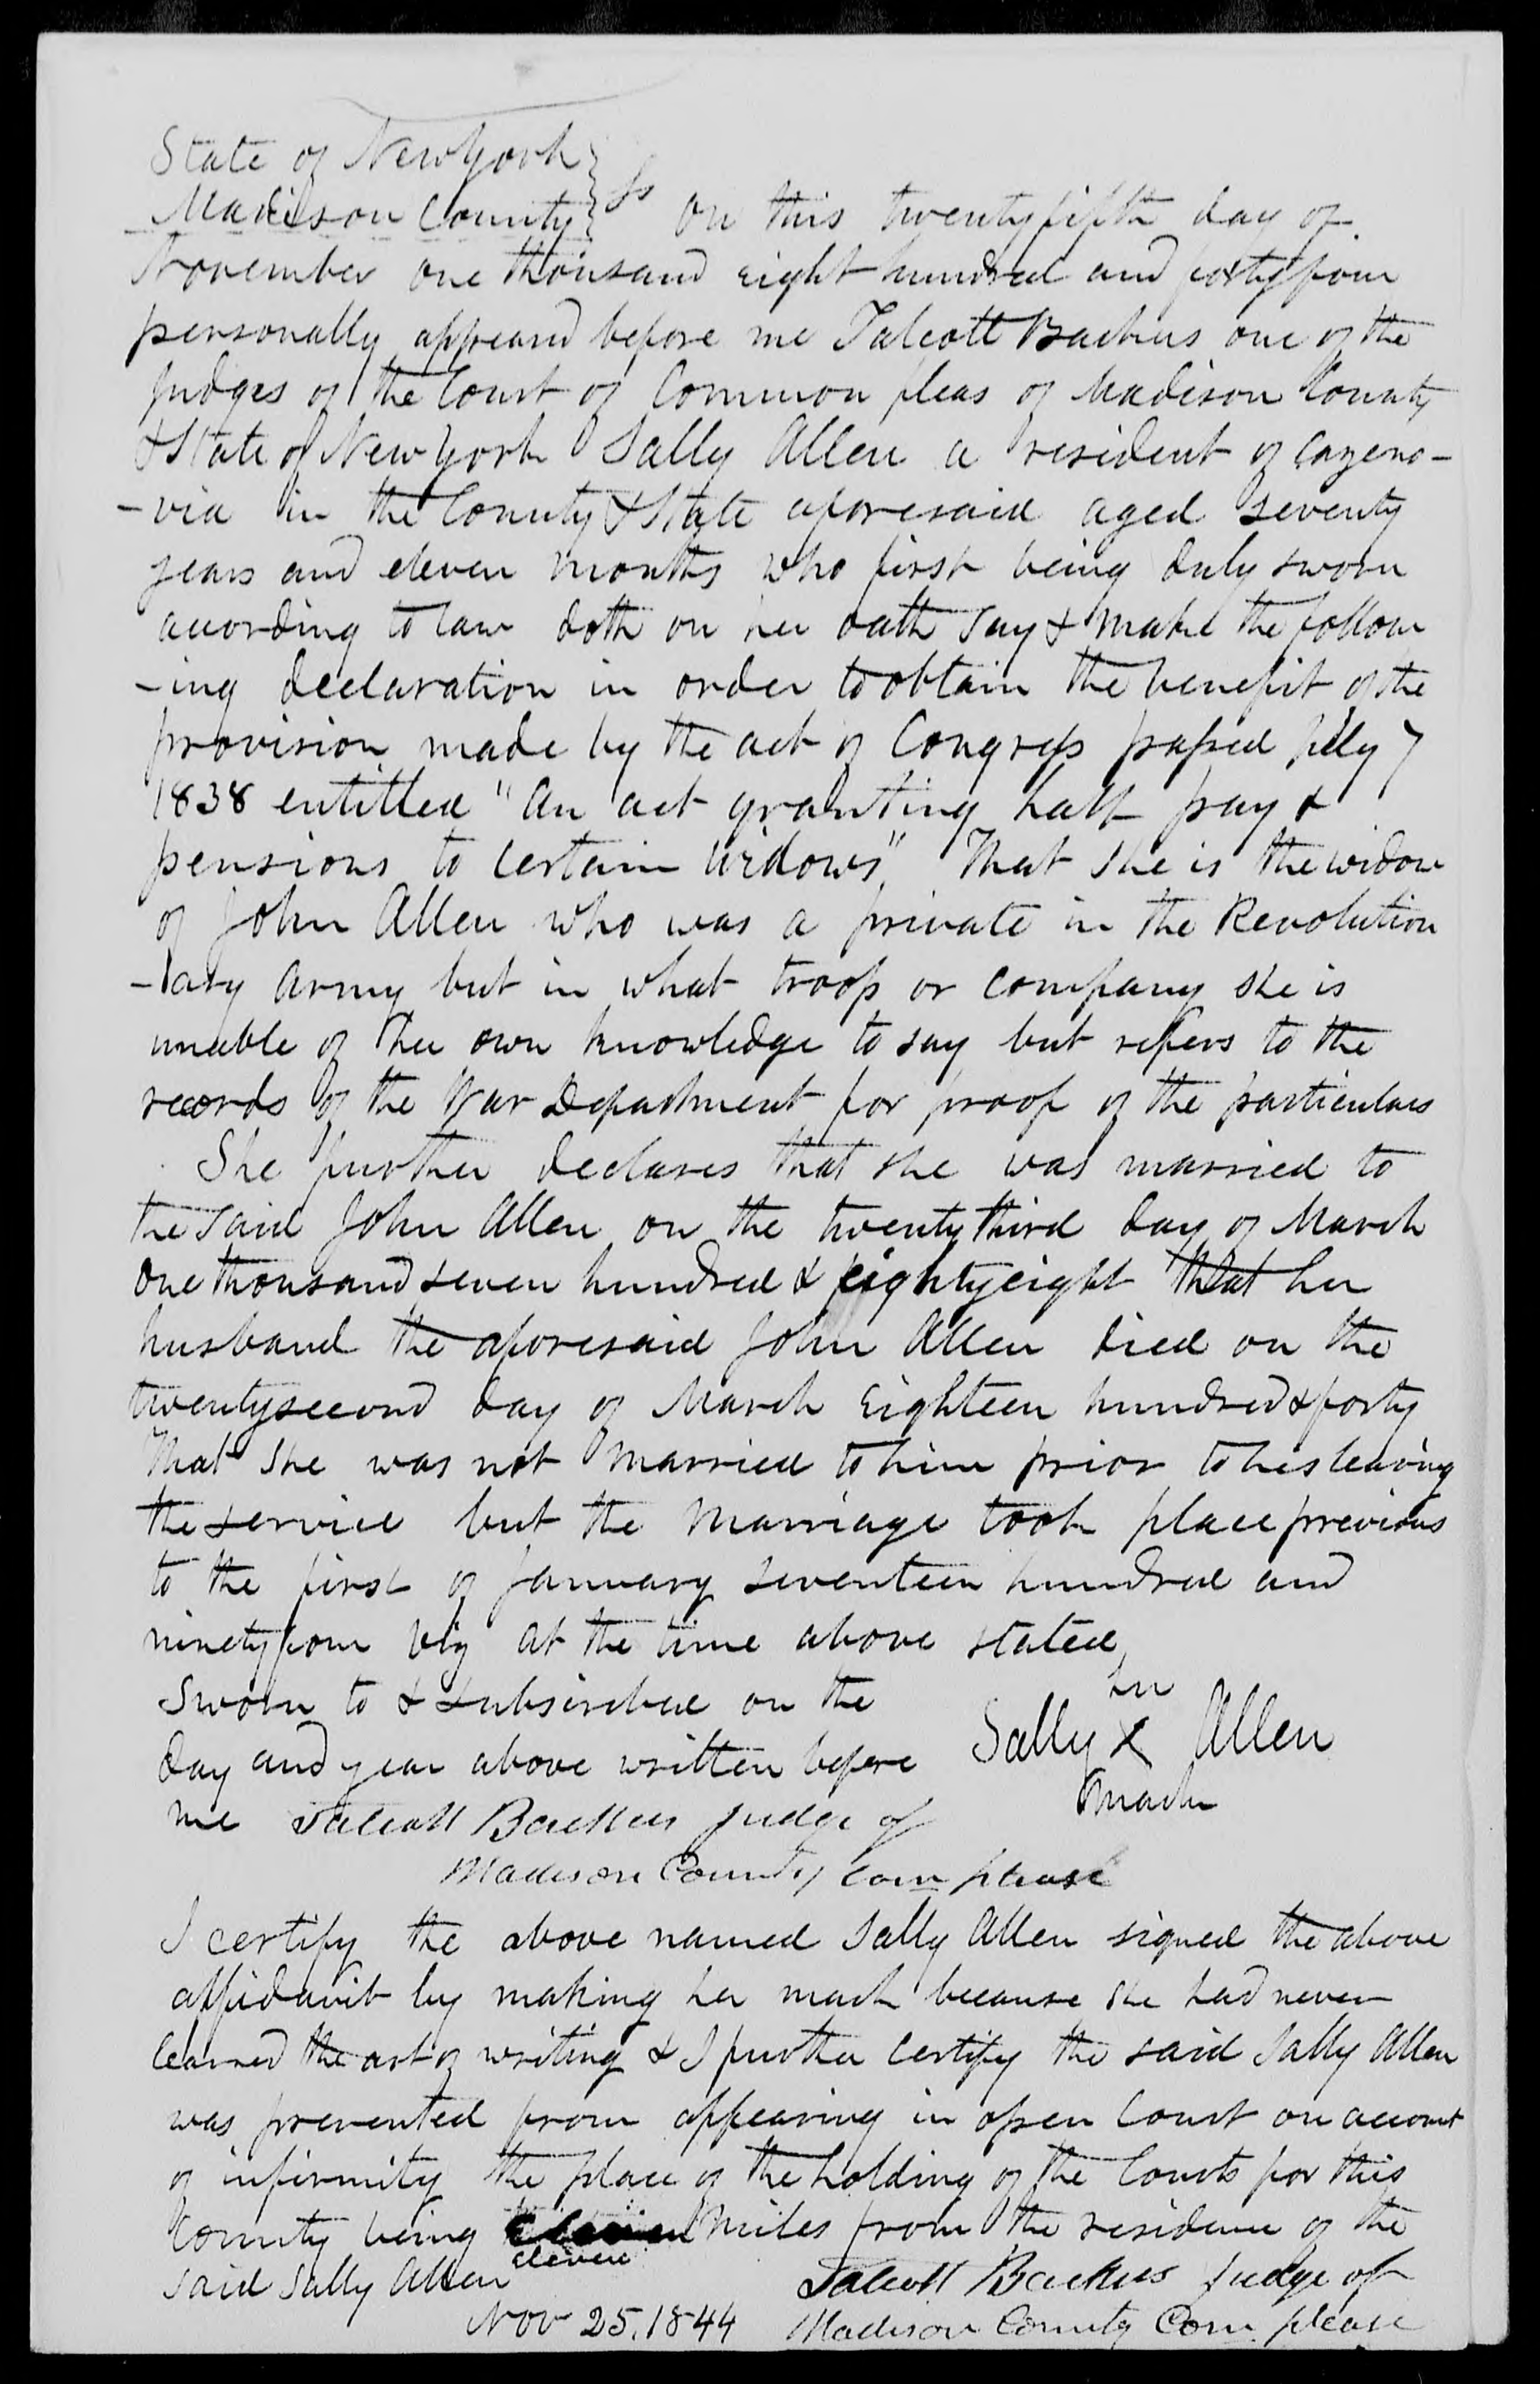State of New York Madison County} S.s. On this twenty fifth day of November one thousand Eight hundred and sixty four personally appeared before me Talcott Backus one of the Judges of the Court of Common pleas of Madison County & State of New York Sally Allen a resident of Cazenovia in the County & State aforesaid aged seventy years and eleven months who first being duly sworn according to law doth on her oath say & make the following declaration in order to obtain the benefit of the provision made by the act of Congress passed July 7 1838 entitled "An act granting half pay & pensions to certain widows" That she is the widow of John Allen who was a private in the Revolutionary Army but in what troop or company she is unable of her own knowledge to say but refers to the records of the War Department for proof of the particulars She further declares that she was married to the said John Allen on the twenty third day of March one thousand seven hundred & eighty eight that her husband the aforesaid John Allen died on the twenty second day of March Eighteen hundred & forty That she was not married to him prior to his leaving the service but the marriage took place previous to the first of January Seventeen hundred and ninety four viz at the time above stated 
Sally Allen
Her mark x [signature]
Sworn to & subscribed on the day and year above written before me Talcott Backus Judge of Madison County Com pleas
I certify the above named Sally Allen signed the above affidavit by making her mark because she had never learned the art of writing & I further certify the said Sally Allen was prevented from appearing in open Court on account of infirmity the place of the holding of the Courts for this County being eleven [the word eleven is also written directly below the original as to clarify] miles from the residence of the said Sally Allen Talcott Backus Judge of Madison County Com pleas
Nov 25, 1844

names: Sally Allen, Sally Allen, Sally Allen, Talcott Backus, John Allen, Talcott Backus, John Allen, John Allen, Sally Allen, Sally Allen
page: 15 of 74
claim: widow's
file: W. 23424, John Allen, Mass. R. I.